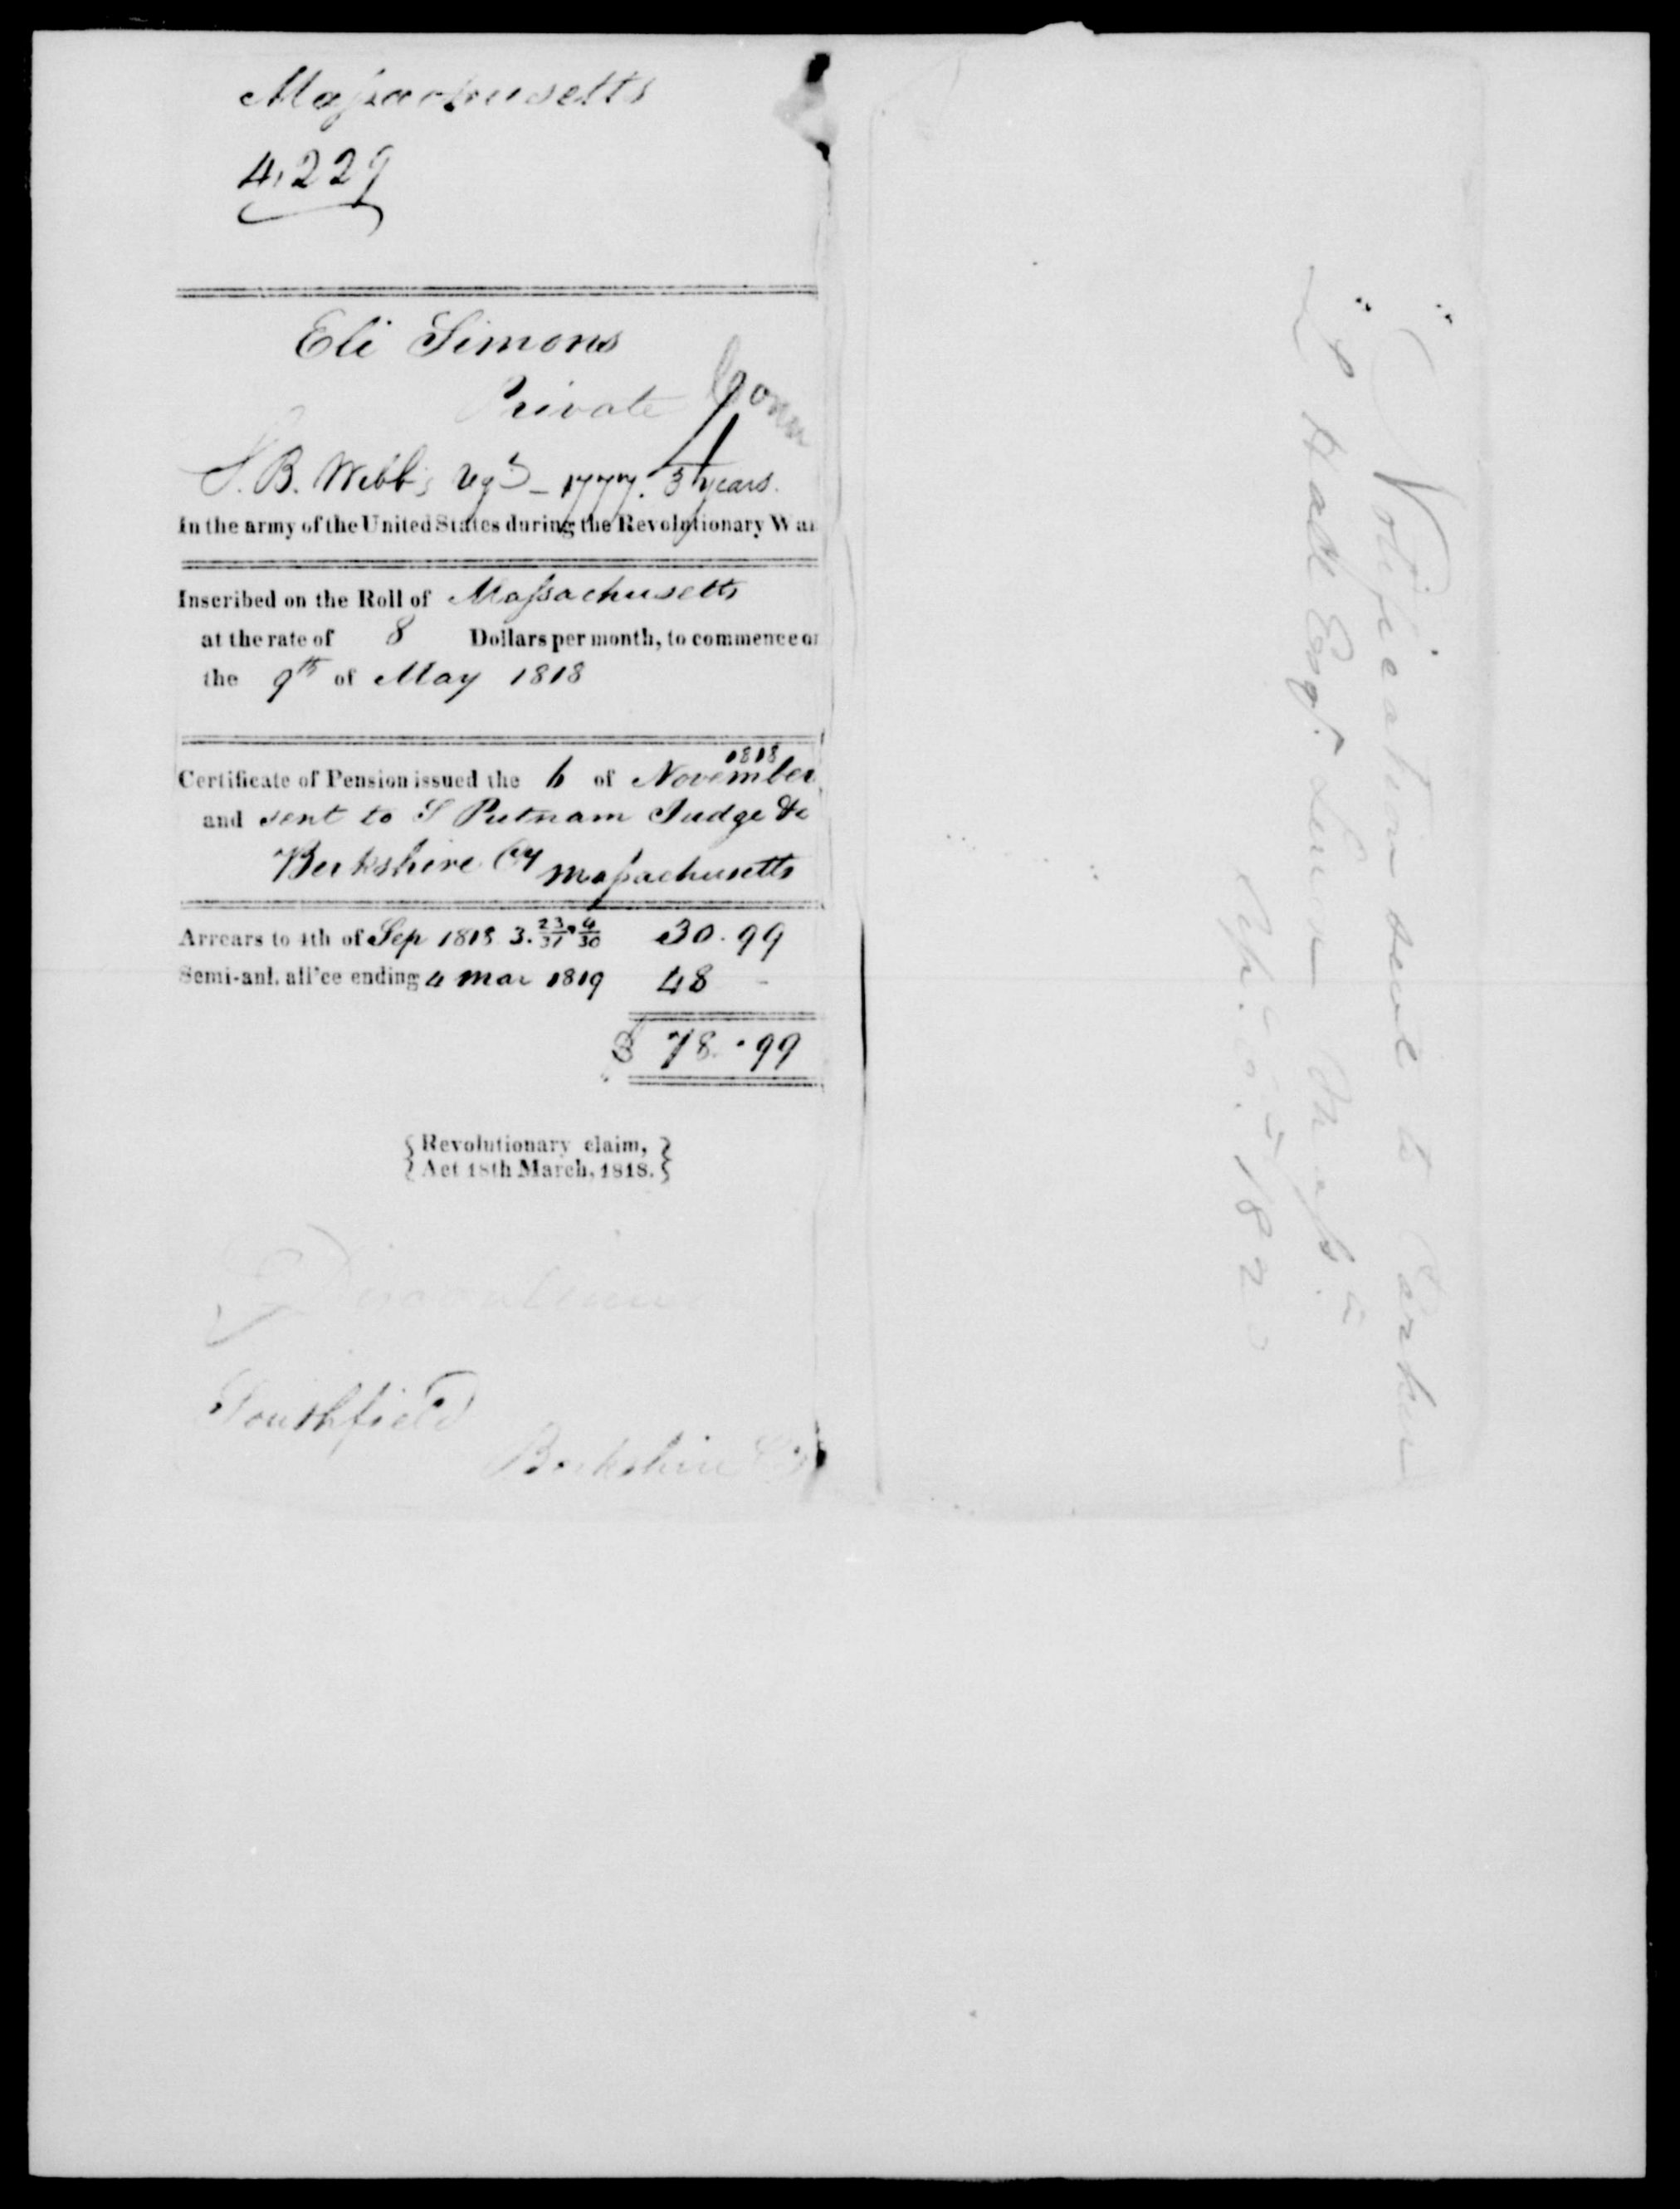[left side of page]
Massachusetts
4.229

Eli Simons
Private Conn
4
S.B. Webb's regt - 1777. 3 years
in the army of the United States during the Revolutionary War

Inscribed on the Roll of Massachusetts
at the rate of 8 Dollars per month, to commence on
the 9th of May 1818

Certificate of Pension issued the 6 of November 1818
and sent to S Putnam Judge &c
Berkshire Cy Massachusetts

Arrears to 4th of Sep 1818  3.23/31 - 4/30 30.99
Semi-anl. all'ce ending 4 Mar 1819 48 -
$78.99

{Revolutionary claim, Act 18th March, 1818.}

[illegible]
Southfield
Berkshire Cy

[right side of page]
Notification sent to Parker L Hall Esq Lenox Mass.
Sep 6. 1820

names: Eli Simons; S Putnam; S B Webb; Parker L Hall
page: 2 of 20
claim: survivor's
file: S 33668, for Eli Simons, Connecticut